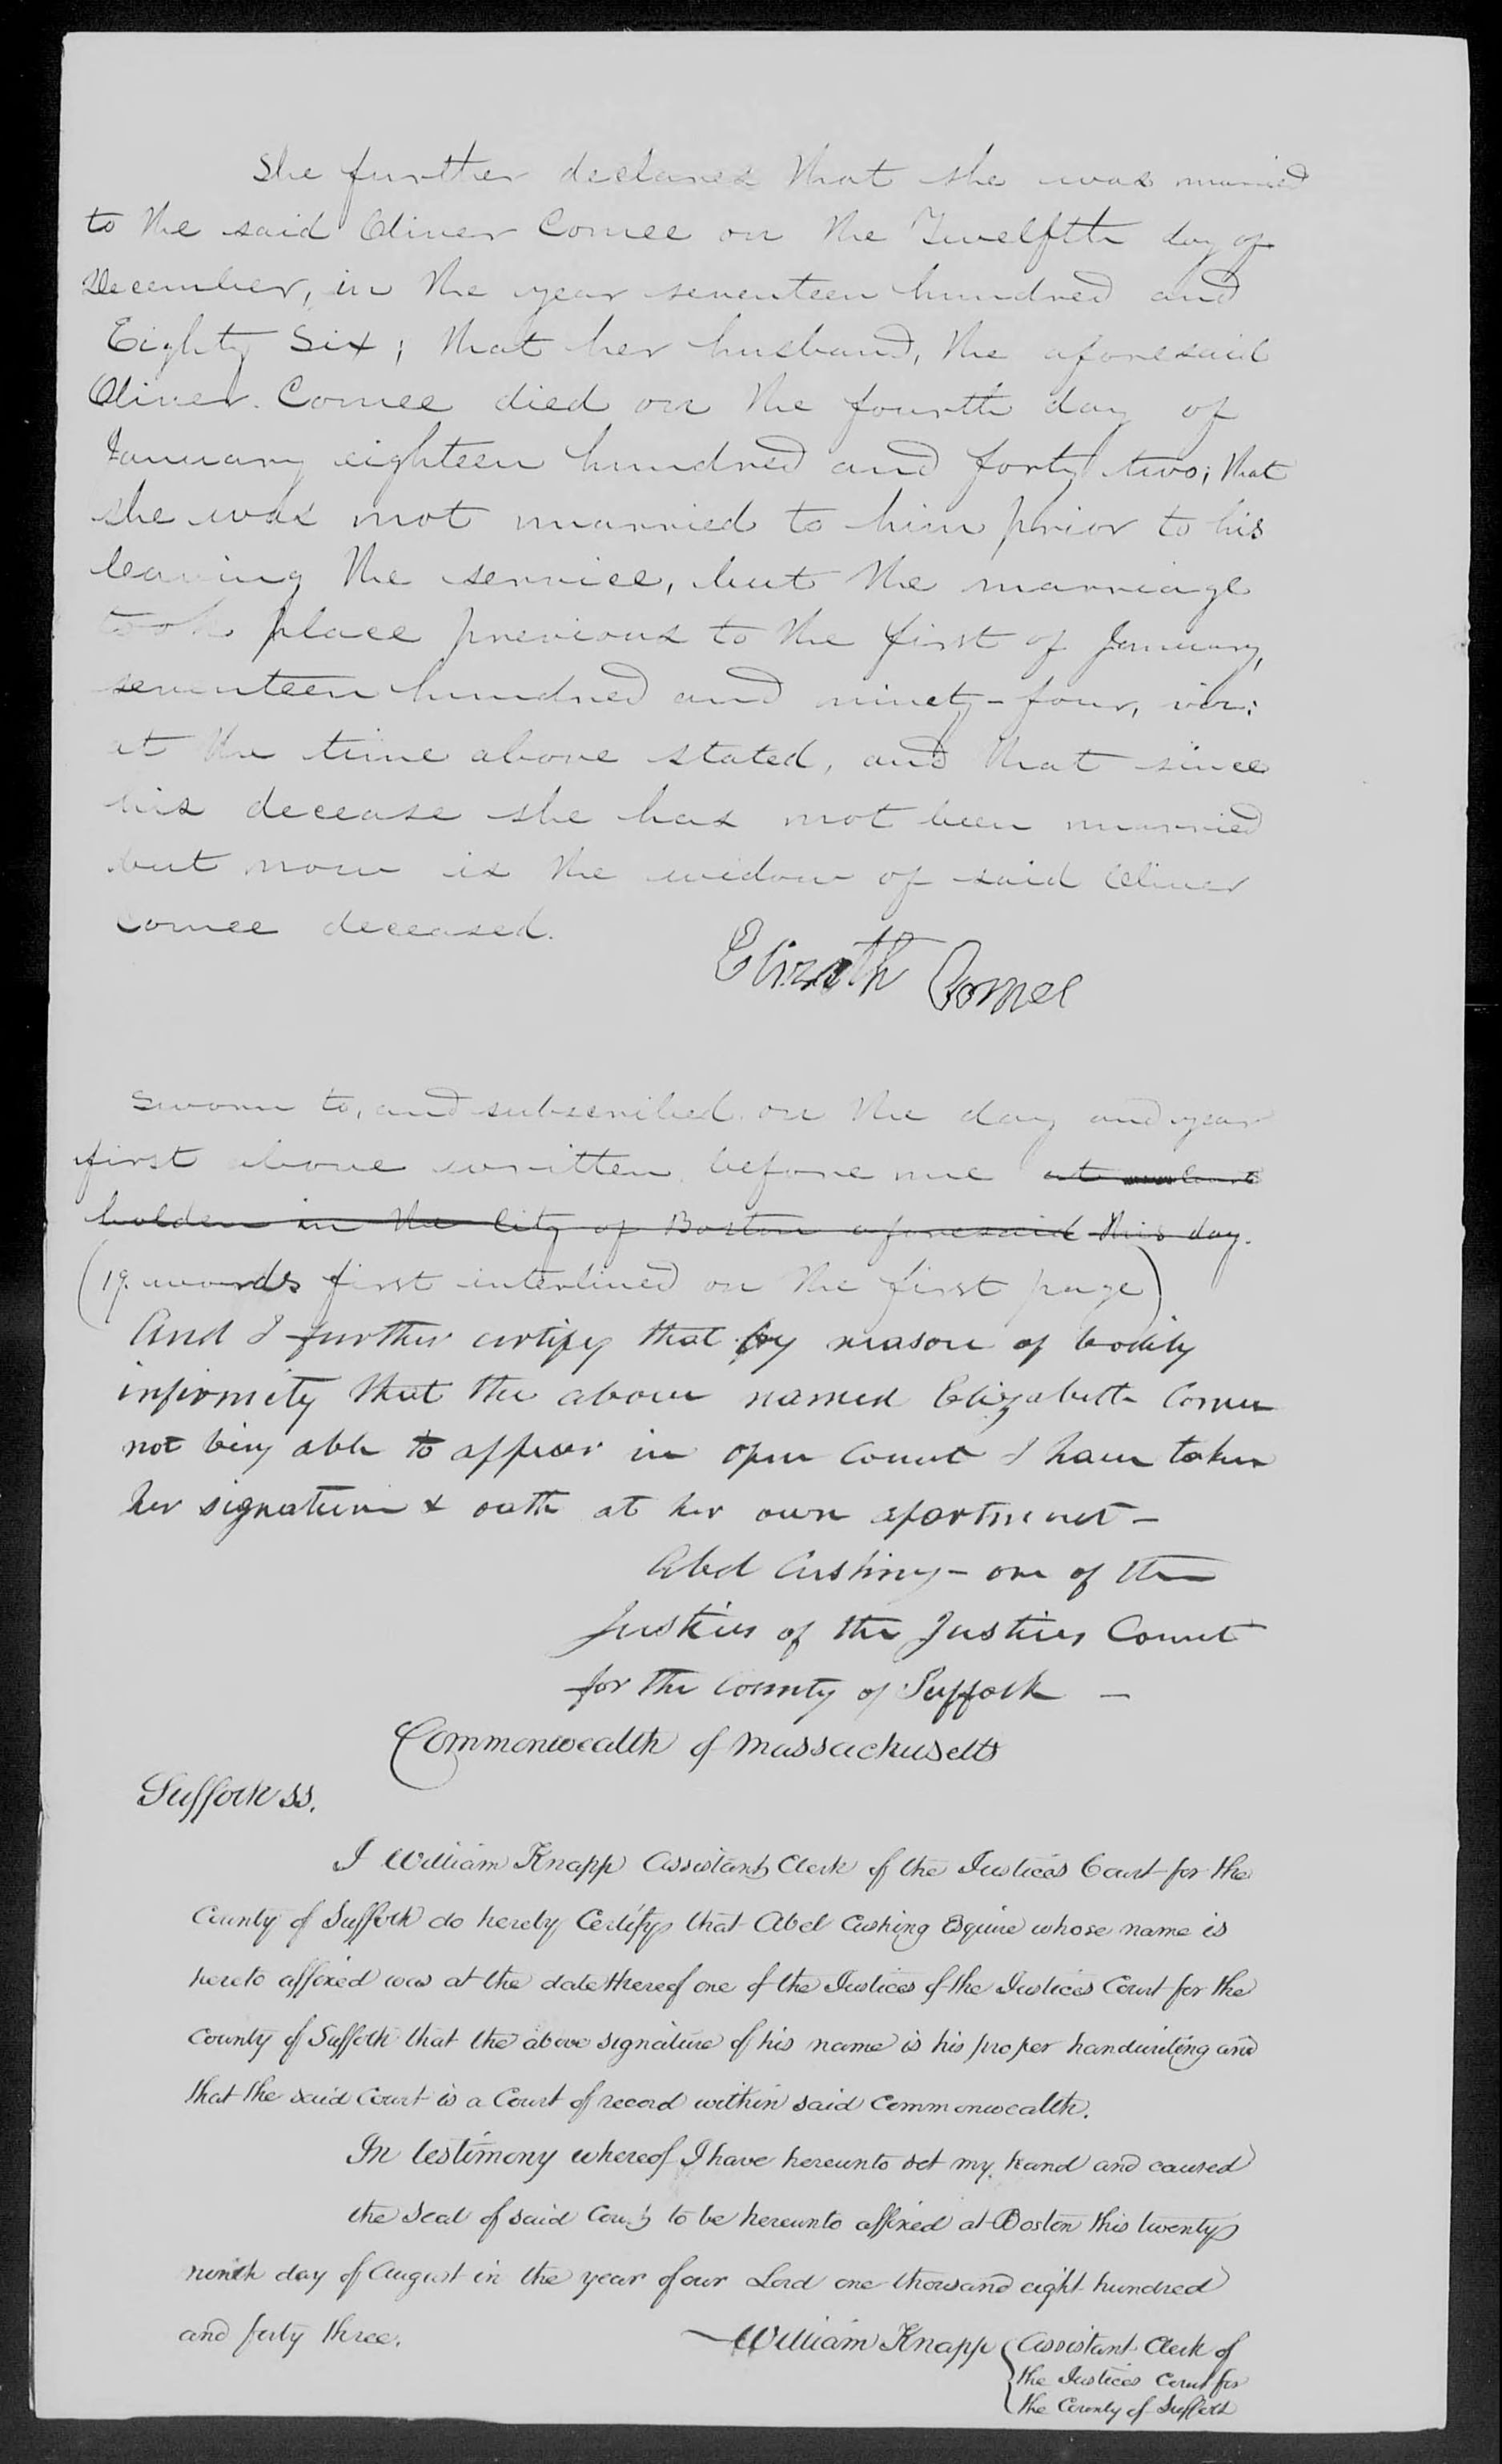she further declared that she was married to the said Oliver Comee on the Twelfth day of December, in the year seventeen hundred and Eighty six; that her husband, the aforesaid Oliver Comee died on the fourth day of January eighteen hundred and forty two; that she was not married to him prior to his leaving the service, but the marriage took place previous to the first of January seventeen hundred and ninety-four, viz: at the time above stated, and that since his decease she has not been married but now is the widow of said  Oliver Comee deceased. 
Elizabeth Comee 

Sworn to and subscribed on the day and year above written before me [at Court held in the City of Boston aforesaid this day (all crossed out)](19 words first interlined on the first page).

And I further certify that by reason of bodily infirmity that the above named Elizabeth Comee not being able to appear in open Court I have taken her signature & oath at her own apartment- 
Abel Cushing, one of the Justices of the Justices Court for the County of Suffolk --- Commonwealth of Massachusetts 
Suffolk SS
I William Knapp Assistant Clerk of the Justices Court for the County of Suffolk do hereby certify that Abel Cushing Esquire whose name is hereto affixed was at the date thereof one of the Justices of the Justices Court for the County of Suffolk that the above signature of his name is his proper handwriting and that the said Court is a Court of record within said Commonwealth.
In testimony whereof I have hereunto set my hand and caused the seal of said Court to be hereunto affixed at Barton this twenty ninth day of August in the year of our Lord one thousand eight hundred and forty three. 
William Knapp {Assistant Clerk of the Justices Court for the County of Suffolk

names: Abel Cushing, Abel Cushing, Oliver Comee, William Knapp, Oliver Comee, Elizath Comee, Oliver Comee, Elizabeth Comee, William Knapp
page: 12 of 45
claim: widow's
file: W. 14,567, Oliver Comee, Mass.